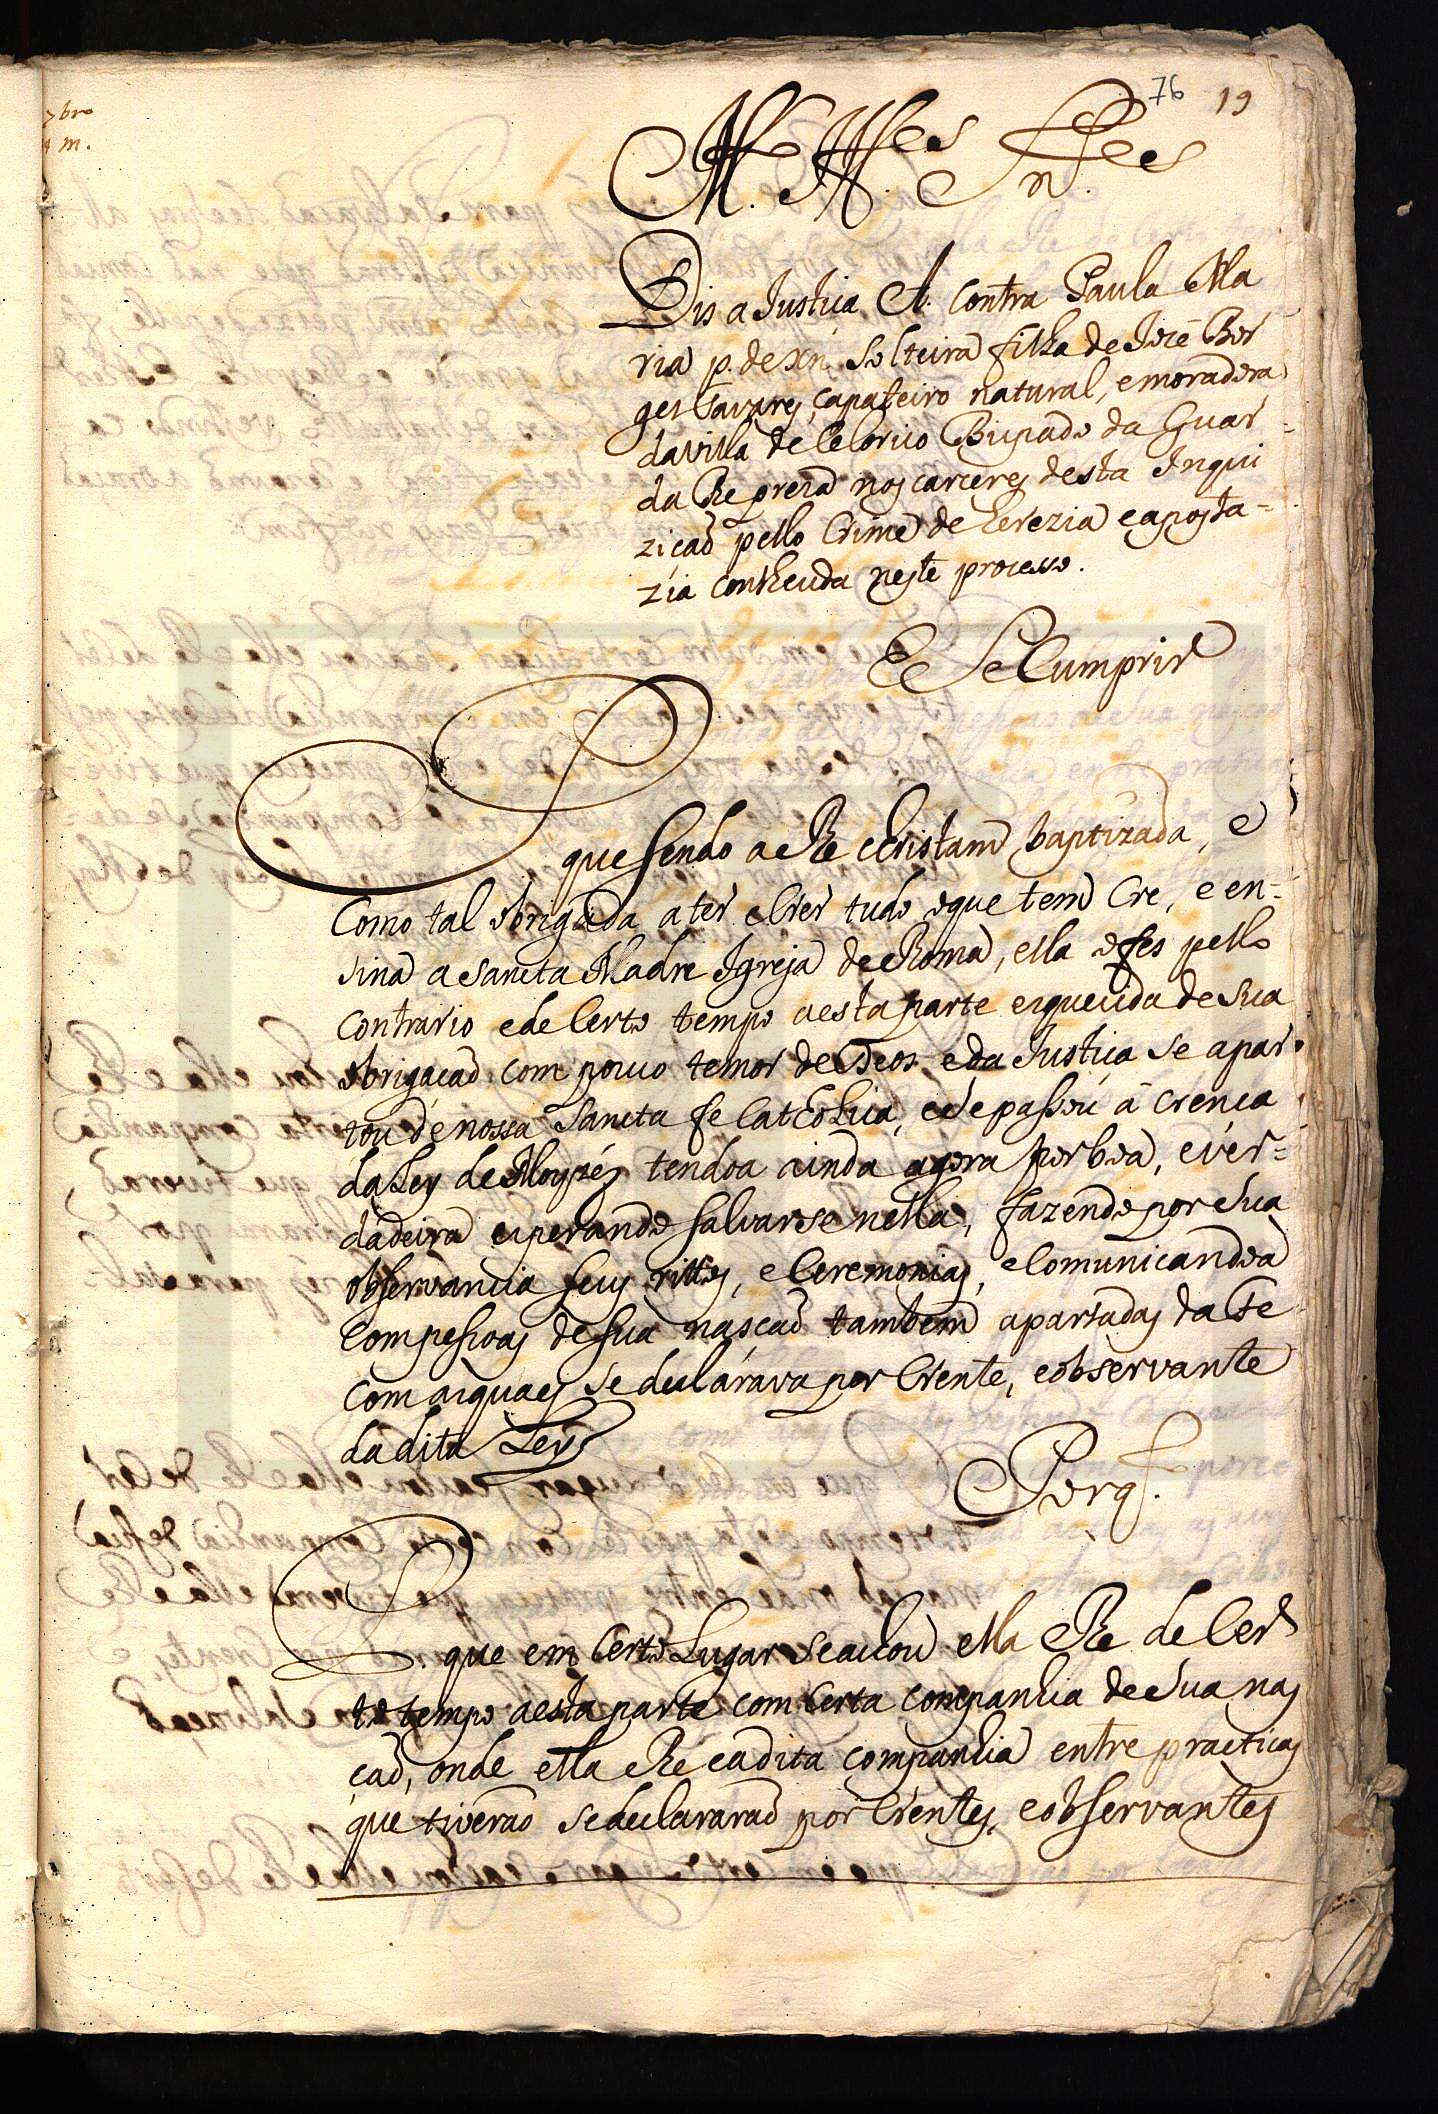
7bro
4 m.
19
M.to Ill.es Sn.res
Dis a Iustiça A. contra Paula Ma
ria p. de xn solteira filha de Iozé Bor
ges Tavares çapateiro natural, e moradora
da villa de Celorico Bispado da Guar
da Re preza nos carceres desta Inqui
ziçaõ pello Crime de herezia e aposta
zia contheuda neste processo.
E Se cumprir
P que sendo a Re christam baptizada, e
Como tal obrigada a ter e Crer tudo o que tem Cre, e en
sina a sancta Madre Igreja de Roma, ella o fes pello
contrario e de Certo tempo a esta parte esquecida de sua
obrigação, com pouco temor de Deos e da Iustiça se apar
tou de nossa Sancta fe CathoLica, e se passou á crença
da Ley de Moyzés tendoa ainda agora por boa, e ver
dadeira esperando salvarse nella, fazendo por sua
observancia seus rittos, e Ceremonias, e Comunicandoa
com pessoas de sua nasçaõ tambem apartadas da Fe
com as quaes se declarava por Crente, e observante
da dita Ley
Porq.to
P. que em certo Lugar se achou ella Re de Cer
to tempo a esta parte com certa companhia de sua nas
çaõ, onde ella Re e a dita companhia entre practicas
que tiveraõ se declararaõ por crentes, e observantes
